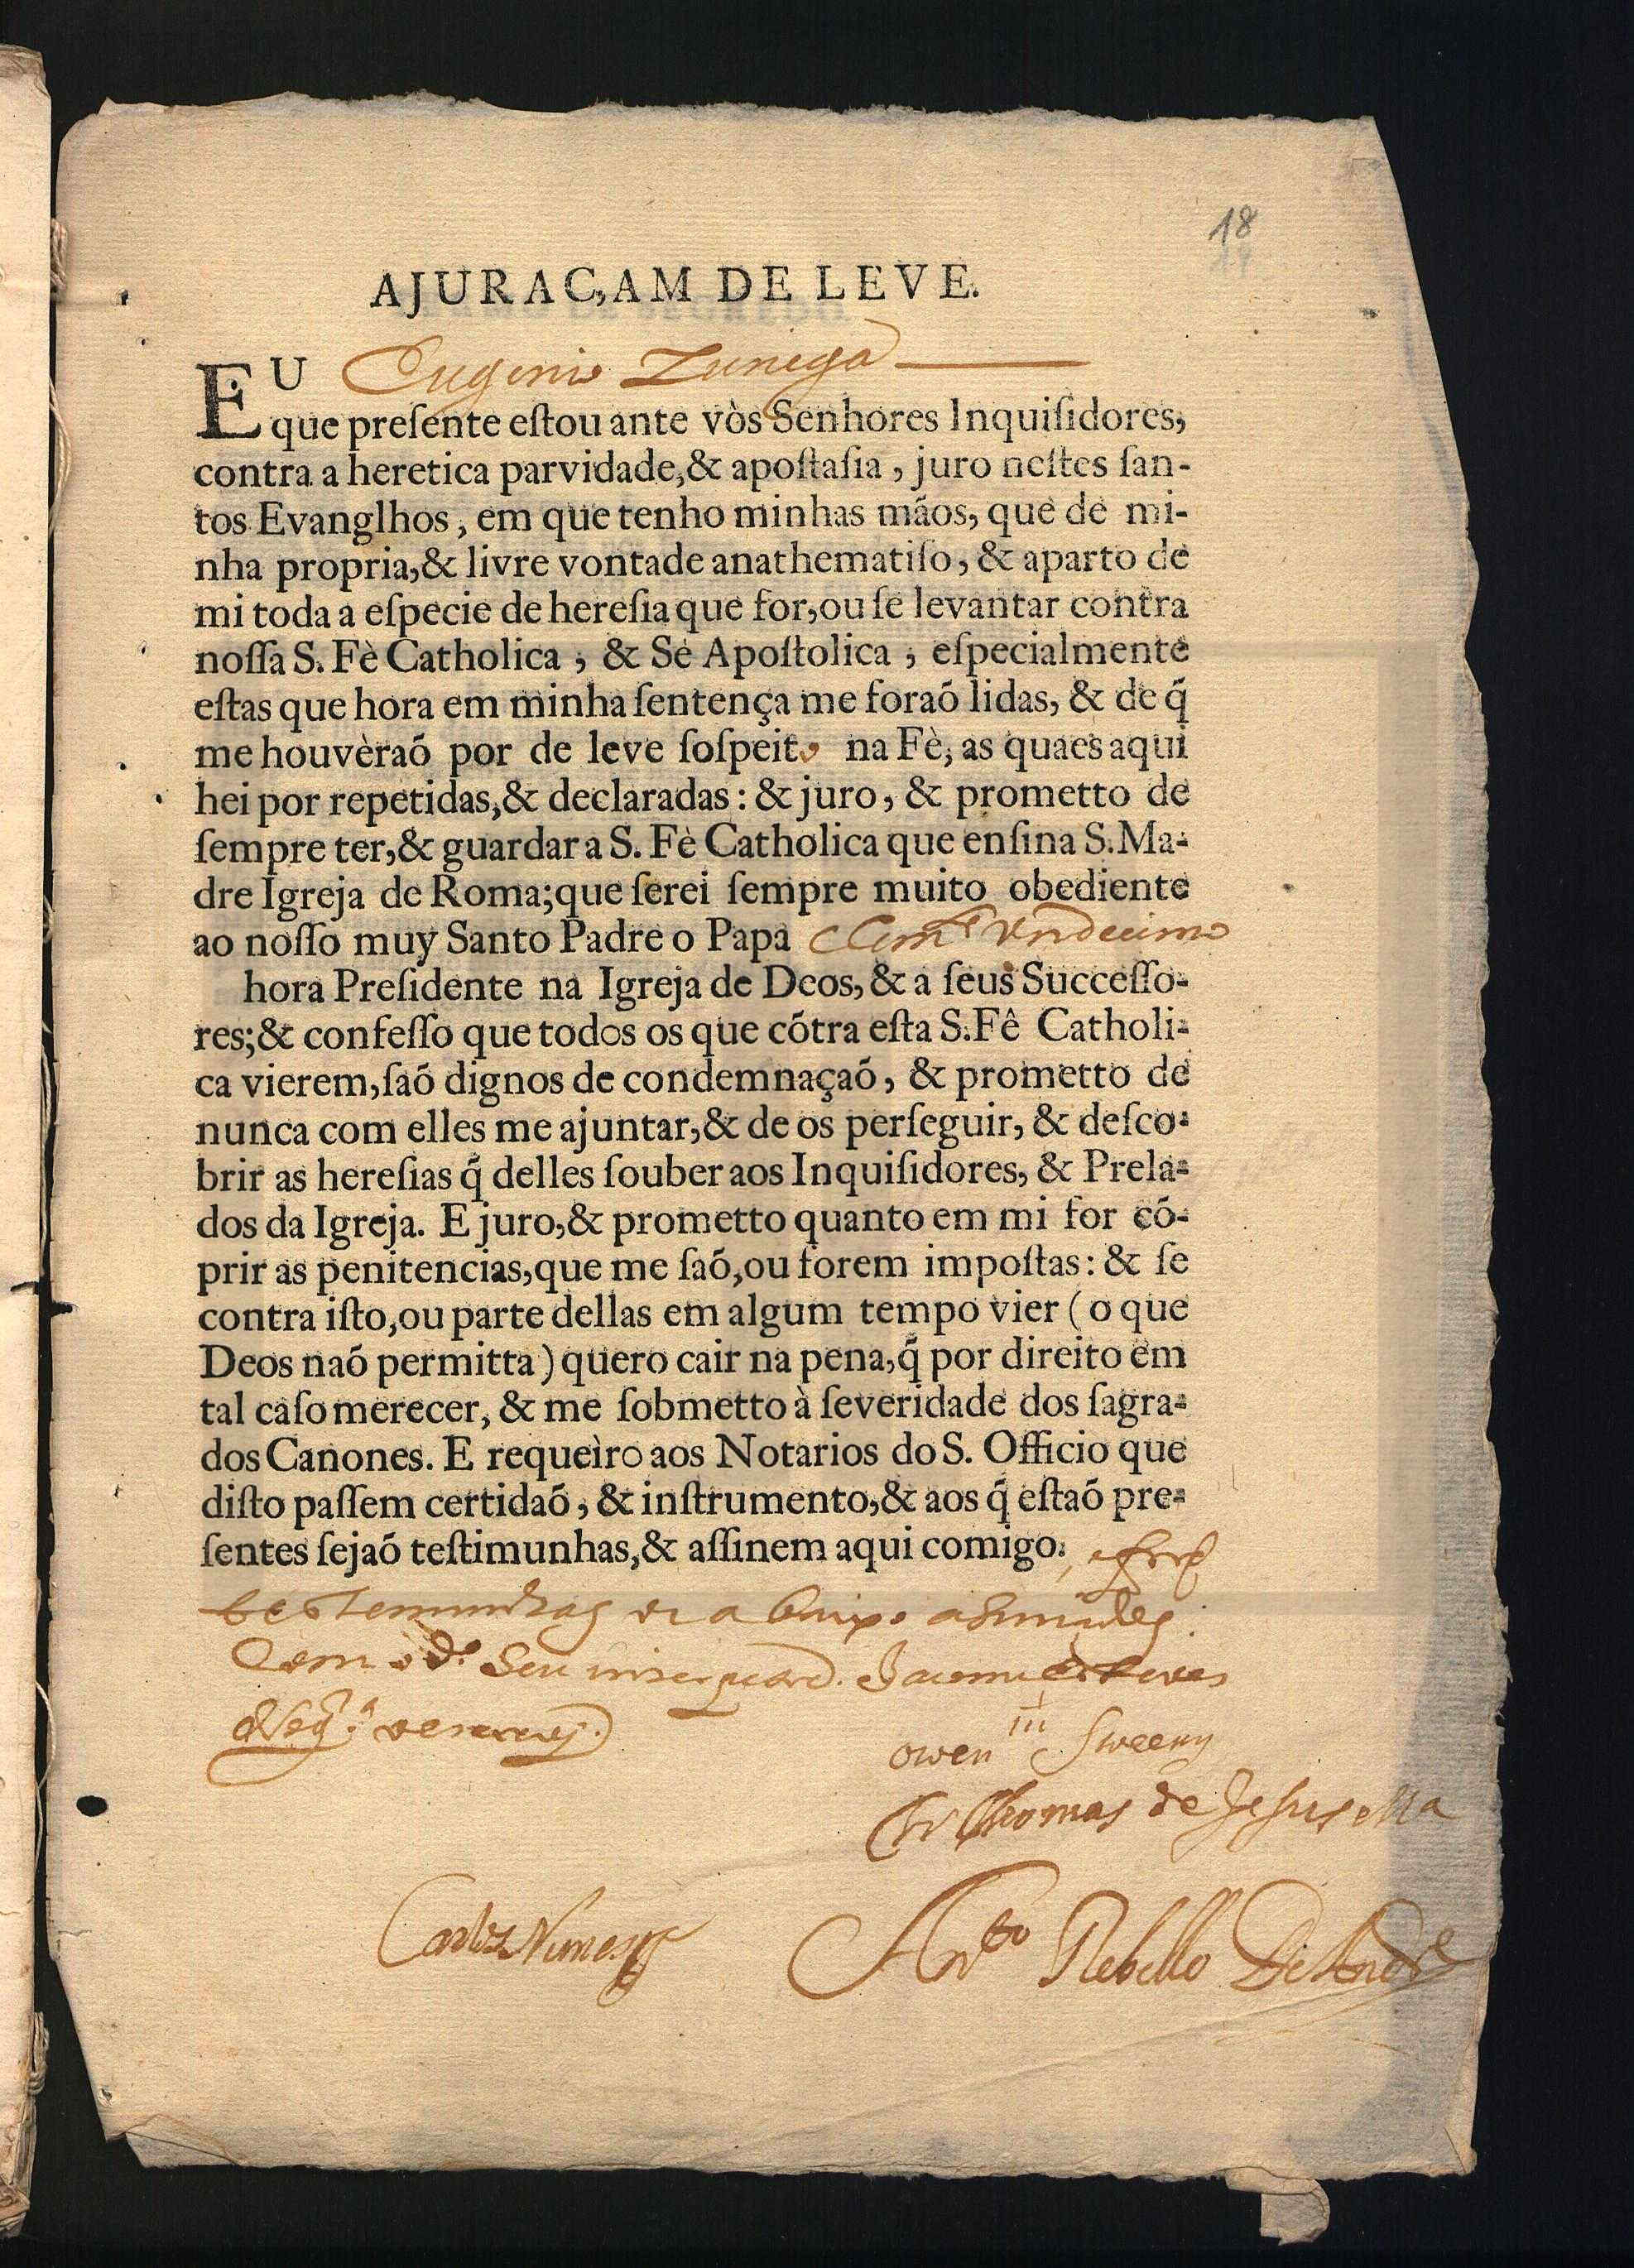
AJURAÇAM DE LEVE.
EU Eugenio Zuniga
que presente estou ante vòs Senhores Inquisidores,
contra a heretica parvidade, & apostasia, juro nestes san
tos Evanglhos, em que tenho minhas mãos, que de mi
nha propria, & livre vontade anathematiso, & aparto de
mi toda a especie de heresia que for, ou se levantar contra
nossa S. Fè Catholica, & Sé Apostolica, especialmente
estas que hora em minha sentença me foraõ lidas, & de q̄
me houvèraõ por de leve sospeito na Fèe, as quaes aqui
hei por repetidas, & declaradas: & juro, & prometto de
sempre ter, & guardar a S. Fè Catholica que ensina S. Ma
dre Igreia de Roma; que serei sempre muito obediente
ao nosso muy Santo Padre o Papa Clemte Vndecimo
hora Presidente na Igreja de Deos, & a seus Successo
res, & confesso que todos os que cōtra esta S. Fê Catholi
ca vierem, saõ dignos de condemnaçaõ, & prometto de
nunca com elles me ajuntar, & de os perseguir, & desco
brir as heresias q̄ delles souber aos Inquisidores, & Prela
dos da Igreja. E juro, & prometto quanto em mi for cō
prir as penitencias, que me saõ, ou forem impostas: & se
contra isto, ou parte dellas em algum tempo vier (o que
Deos naõ permitta) quero cair na pena, q̄ por direito em
tal caso merecer, & me sobmetto à severidade dos sagra
dos Canones. E requeìro aos Notarios do S. Officio que
disto passem certidaõ, & instrumento, & aos q̄ estaõ pre
sentes sejaõ testimunhas, & assinem aqui comigo., e forão
testemunhas os abaixo assinados
com o d.o Seu interpetre. Jacome Esteves
Nog.a o escrevj.
owen Sweeny
Fr Thomas de Jesus Ma
Carlos Nunes
Anto Rebello De Andre
